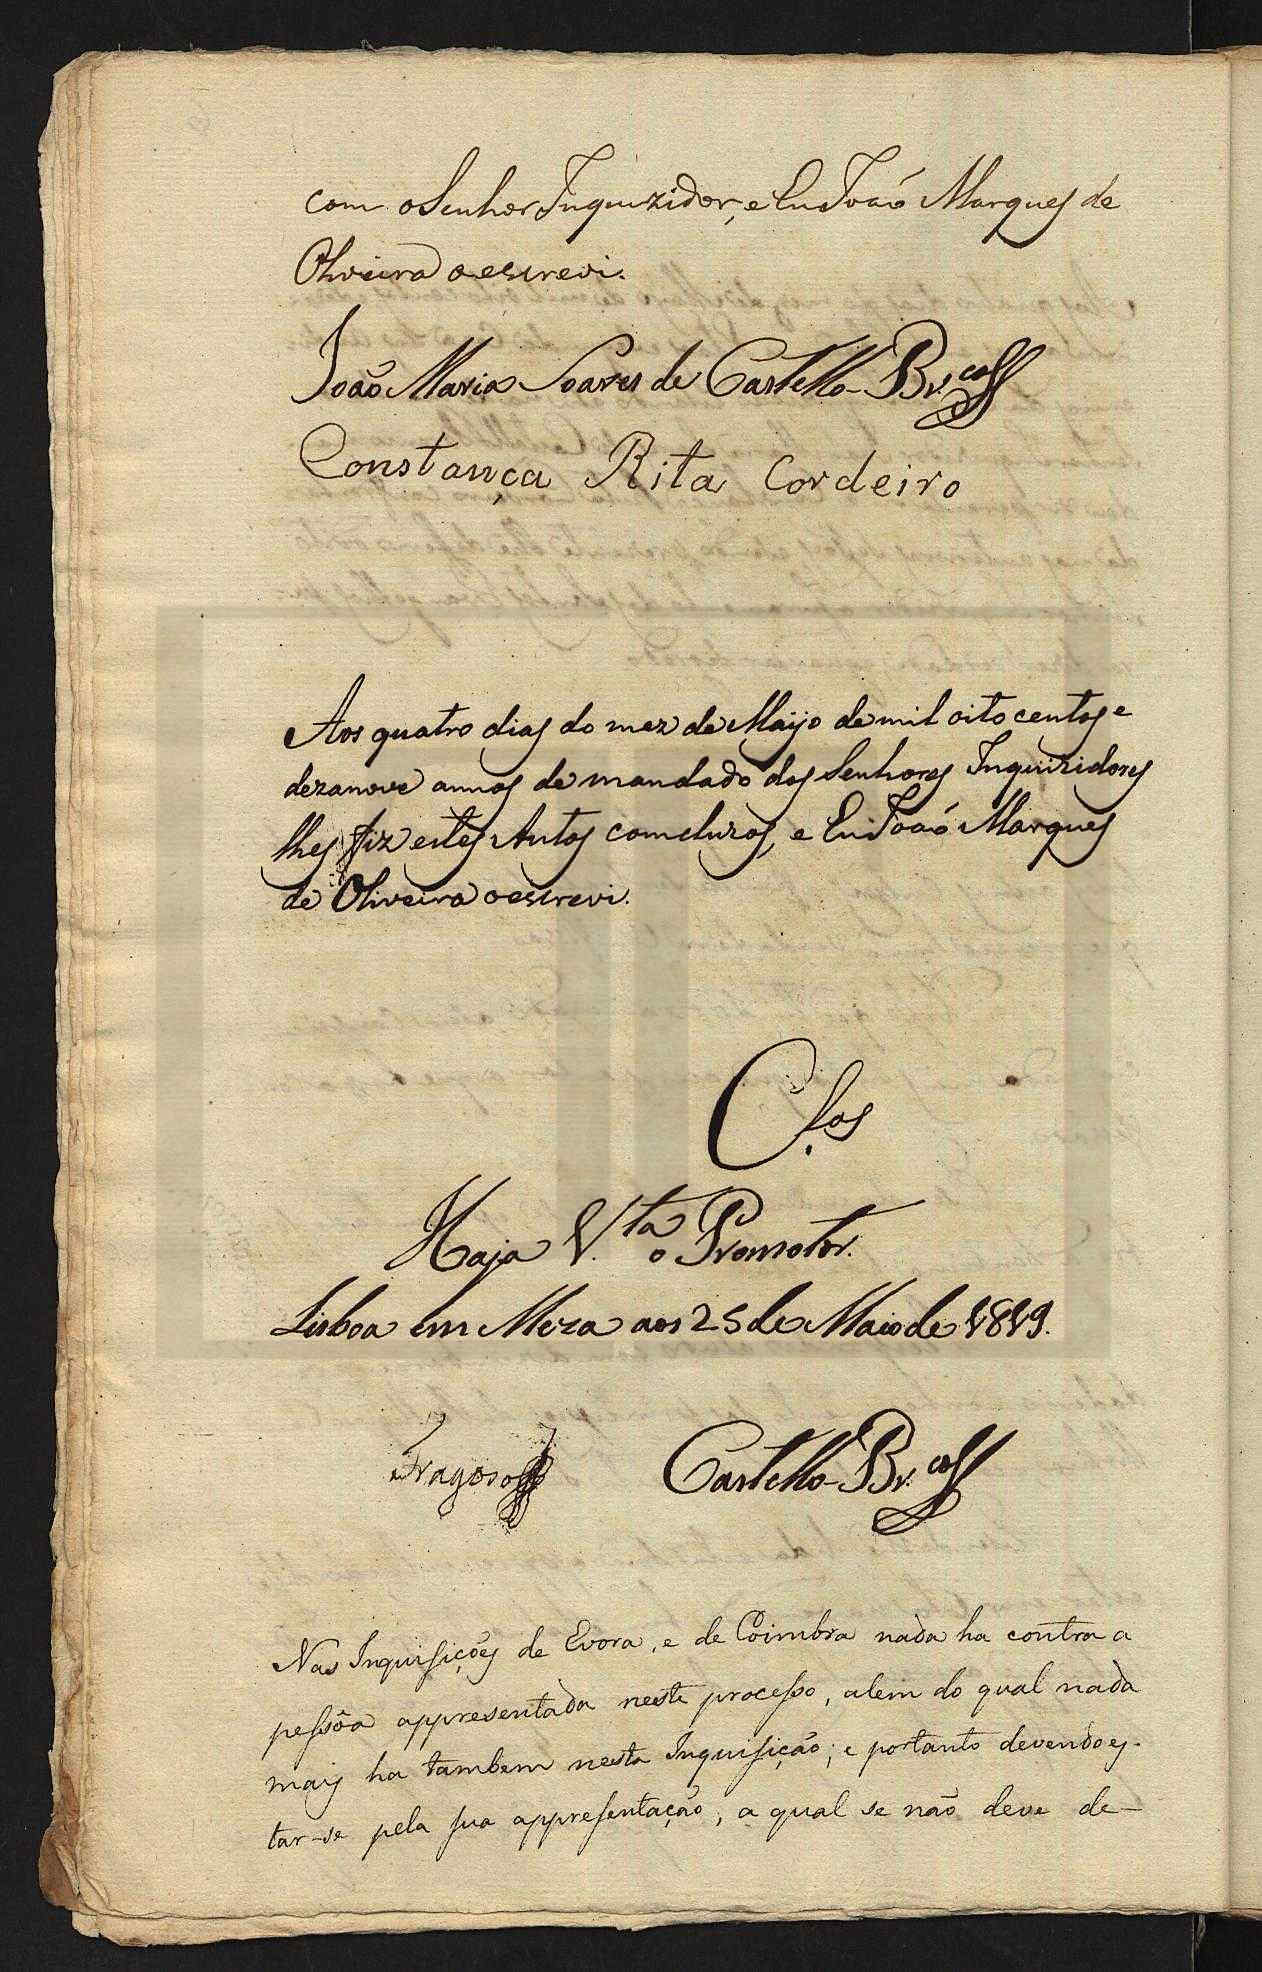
com o Senhor Inquizidor, e Eu Ioaõ Marques de
Oliveira o escrevi.
Ioaõ Maria Soares de Castello Br.co
Constança Rita Cordeiro
Aos quatro dias do mez de Mayo de mil oitocentos e
dezanove annos de mandado dos Senhores Inquizidores
lhes fiz estes Autos comcluzos, e Eu Ioão Marques
de Oliveira o escrevi.
C.Los
Haja V.ta o Promotor
Lisboa em Meza aos 25 de Maio de 1819.
Fragoso Castello Br.co
Nas Inquisiçoẽs de Evora, e de Coimbra nada ha contra a
pessôa appresentada neste processo, alem do qual nada
mais ha tambem nesta Inquisiçaõ; e portanto devendo es
tar-se pela sua appresentaçaõ, a qual se naõ deve de
